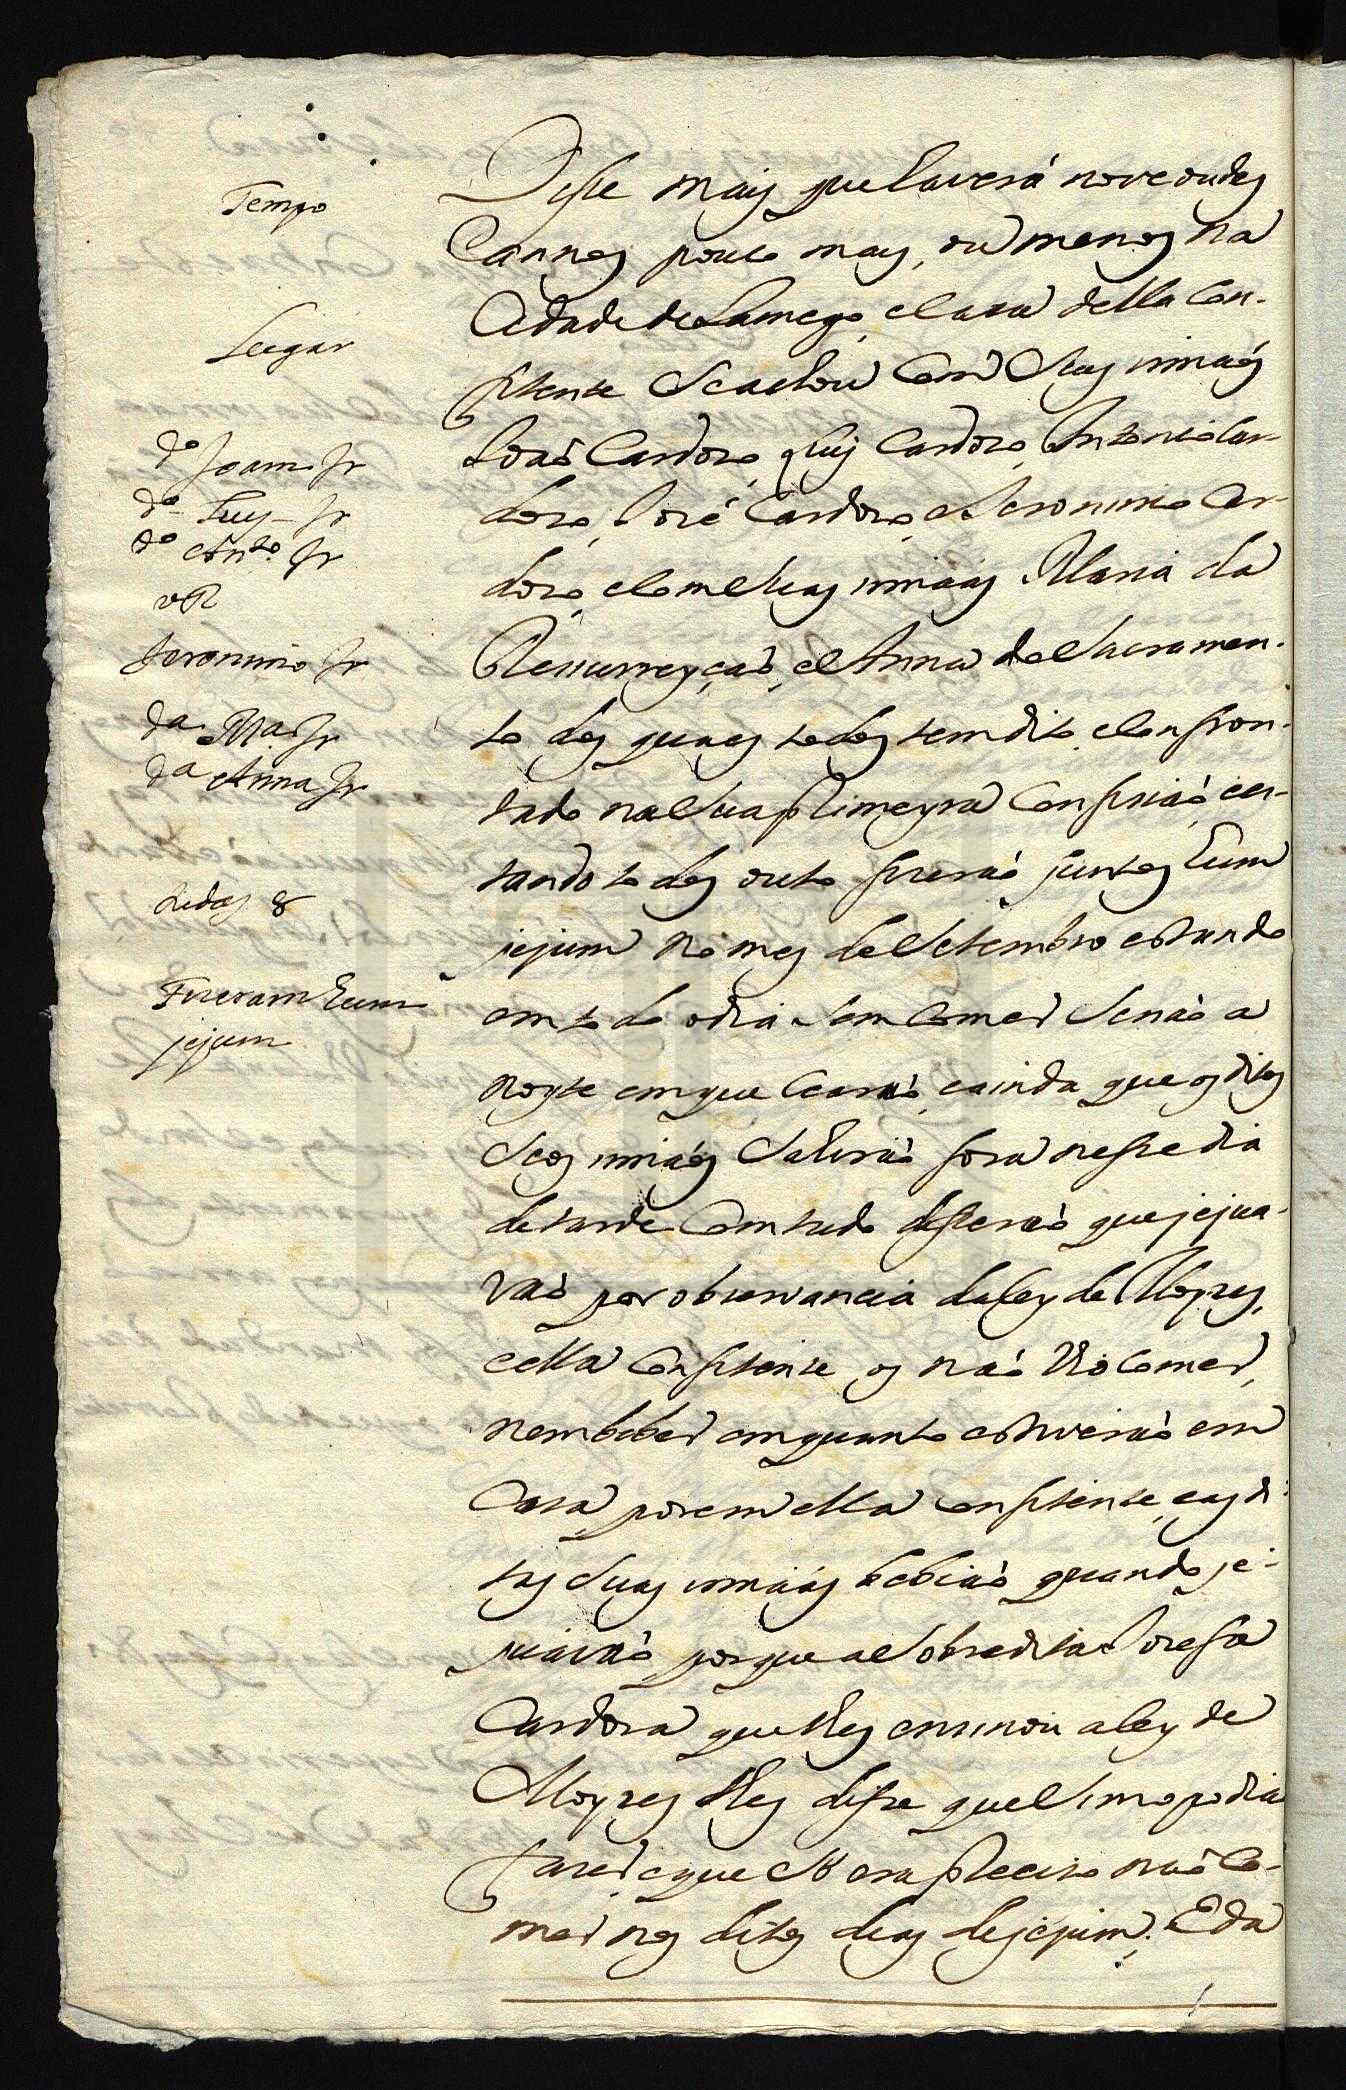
Tempo
Lugar
do Joam Jr
do Luis Jr
do An.to Jr
o R
Jeronimo Jr
da Ma. Jr
da Anna Jr
ditos 8
Fizeram hum
jejum
Disse mais que haverá nove ou dez
annos pouco mais, ou menos na
Cidade de Lamego, e Caza della con
fitente se achou Com seus irmaõs
Ioaõ Cardozo, Luis cardozo, Antonio Car
dozo, Iozé Cardozo, e Ieronimo car
dozo, e Com Suas irmaas Maria da
Ressurreyçaõ, e Anna do Sacramen
to dos quaes todos tem dito, e Confron
tado na Sua pRimeyra Confissaõ, e es
tando todos outo fizeraõ juntoz hum
jejum no mes de Setembro estando
em todo o dia sem comer senaõ a
noyte em que Cearaõ, e ainda que os ditos
seos irmaõs sahiraõ fora nesse dia
de tarde Com tudo disseraõ que jejua
vaõ por observancia da Ley de Moyzes,
e ella Confitente os não Vio comer,
nem beber emquanto estiveraõ em
caza porem ella confitente, e as di
tas suas irmaãs bebiaõ quando je
juaraõ porque a sobredita Iozefa
Cardoza que lhes ensinou a ley de
Moyzes lhes disse que sim o podia
fazer, e que só era precizo naõ Co
mer nos ditos dias de jejum; E da
